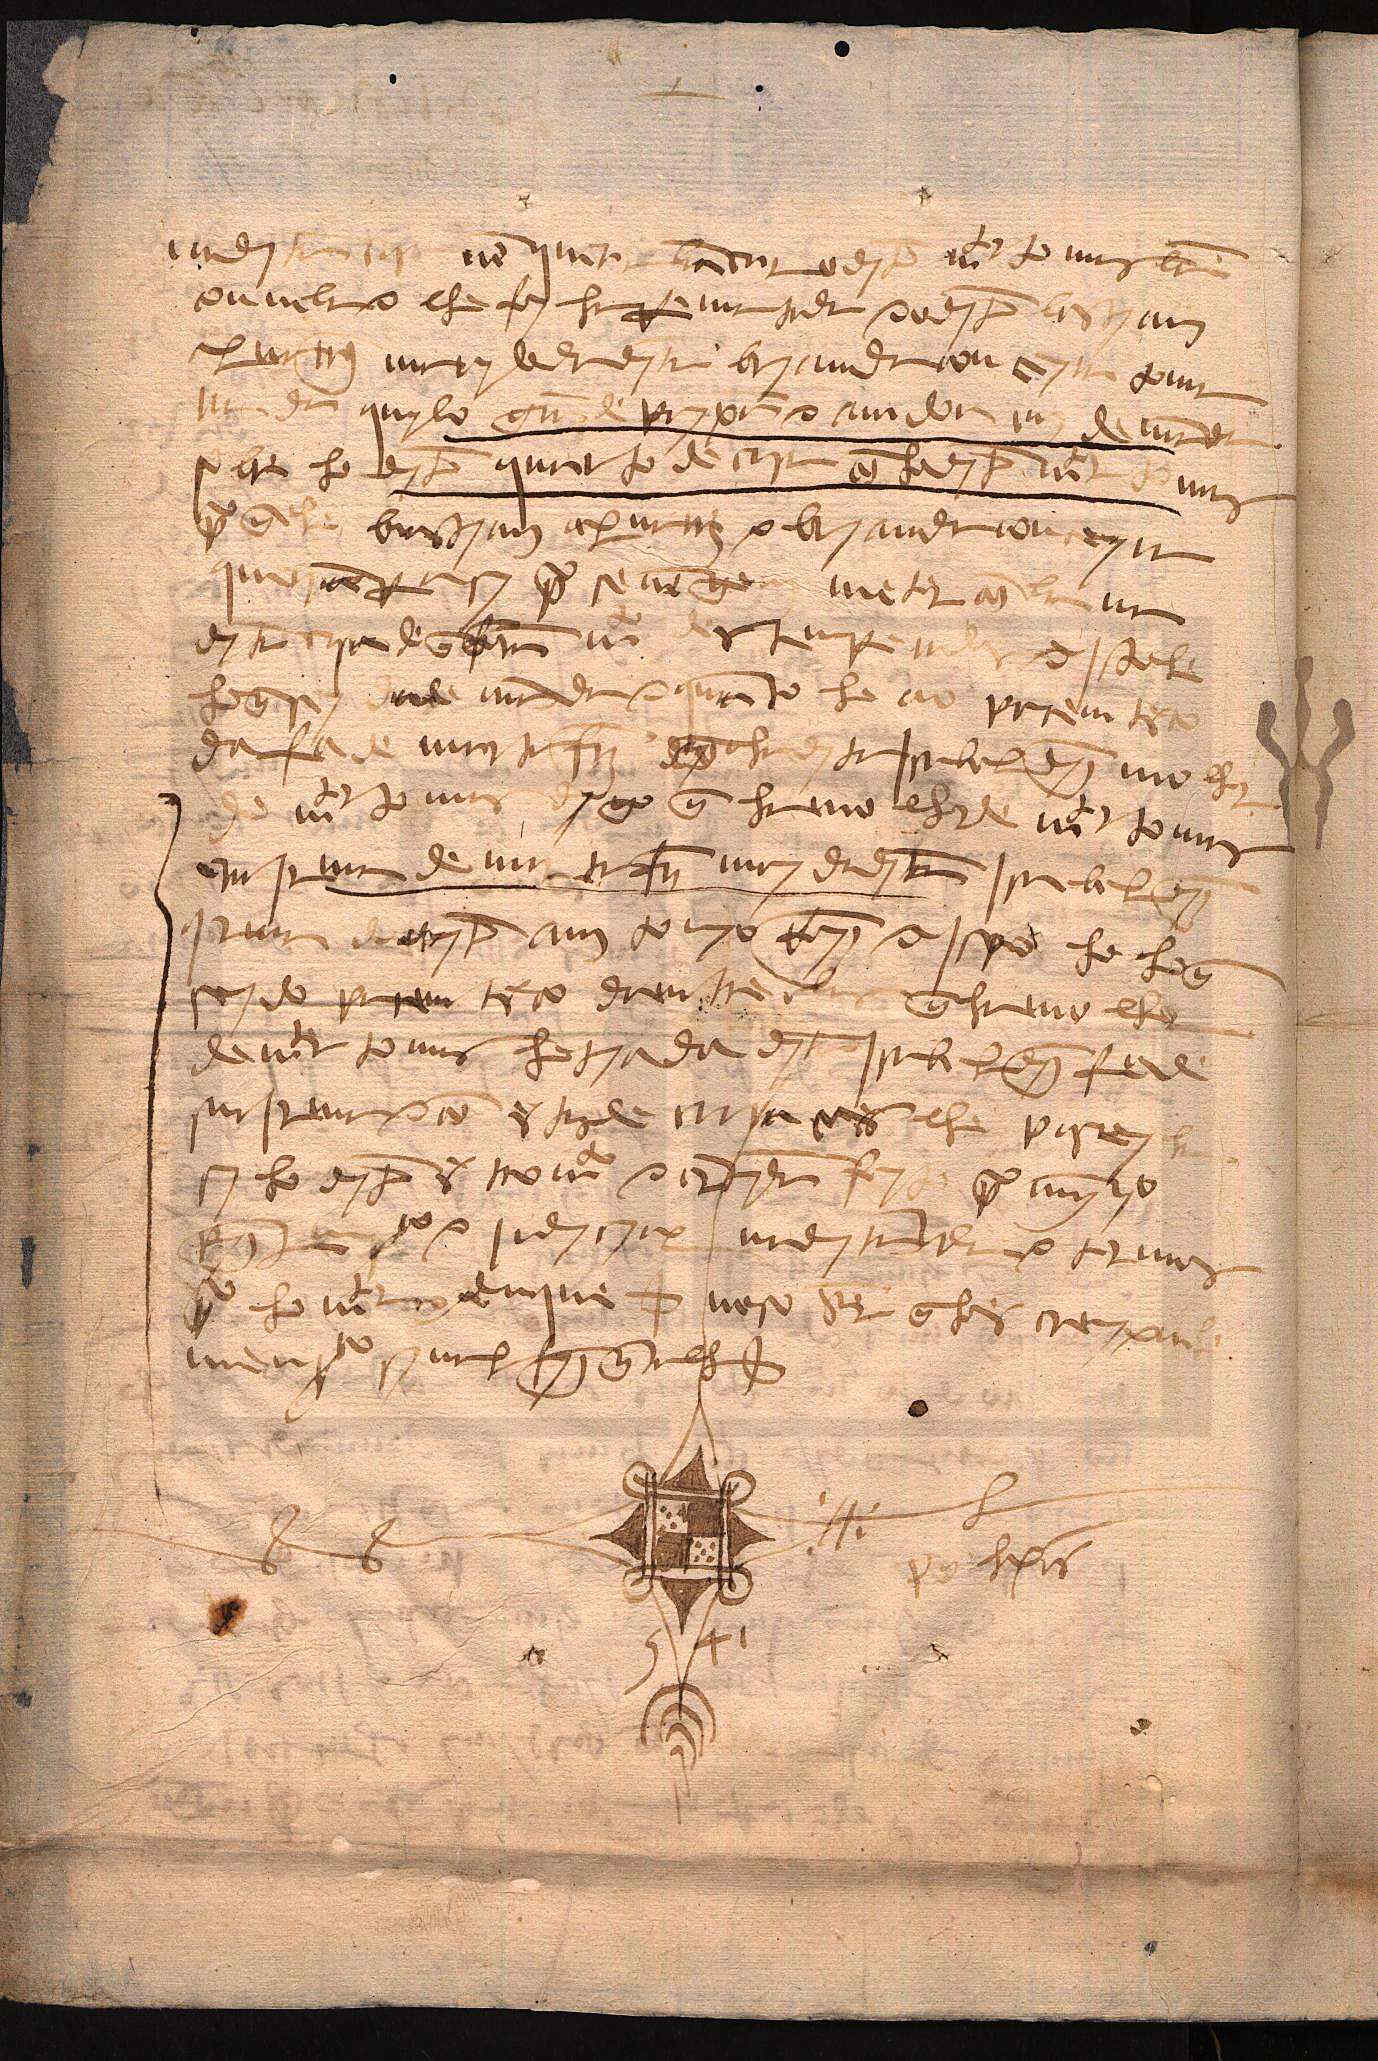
na djta casa nō querer lāçar o djto mter tomas lā
çou nela e lhe foy haRematada e o djto bastjam
aLuarr̄z marjdo da djta brjanda coucejra toma
rra daquylo grāde pajxā e amdou em demāda
sobre ho djto quarto de casa cō ho djto mter tomas
p̄oq̄ ele bastjam aLuarrz e brjanda coucejra
queriā ꝑa sj p̄o se nēgem meter cō ela na
djta casa de q̄ forā mto destemperados e Jsto he
ho q̄ sej da demāda e quāto he ao paremtesco
da fa de marta frz̄ djgo ha djta Jsabel dj̄z molher
de mter tomas djgo q̄ ha molher de mter tomas
era Jrma de marta frz̄ maj da dita Jsabel djz̄
Jrma do djto amtonjo Rōjz e Jsto he ho q̄
sej do paremtesco da entre elas q̄ ha molher
de mter tomas he tja da djta Jsabel dj̄z fa de
sua Jrma e cō estas decraraçoes lhe pasej ha
sj ho djto estromto e certjdā fejto p̄o mj̄ yo
pj̄z tam ꝓco e Judjcjal na djta vila e termos
p̄o ho mter e duque noso sor q̄ ho escreuj e nele
meu ꝓco sjnal fjz q̄ tal he
pg Lx rs̄
